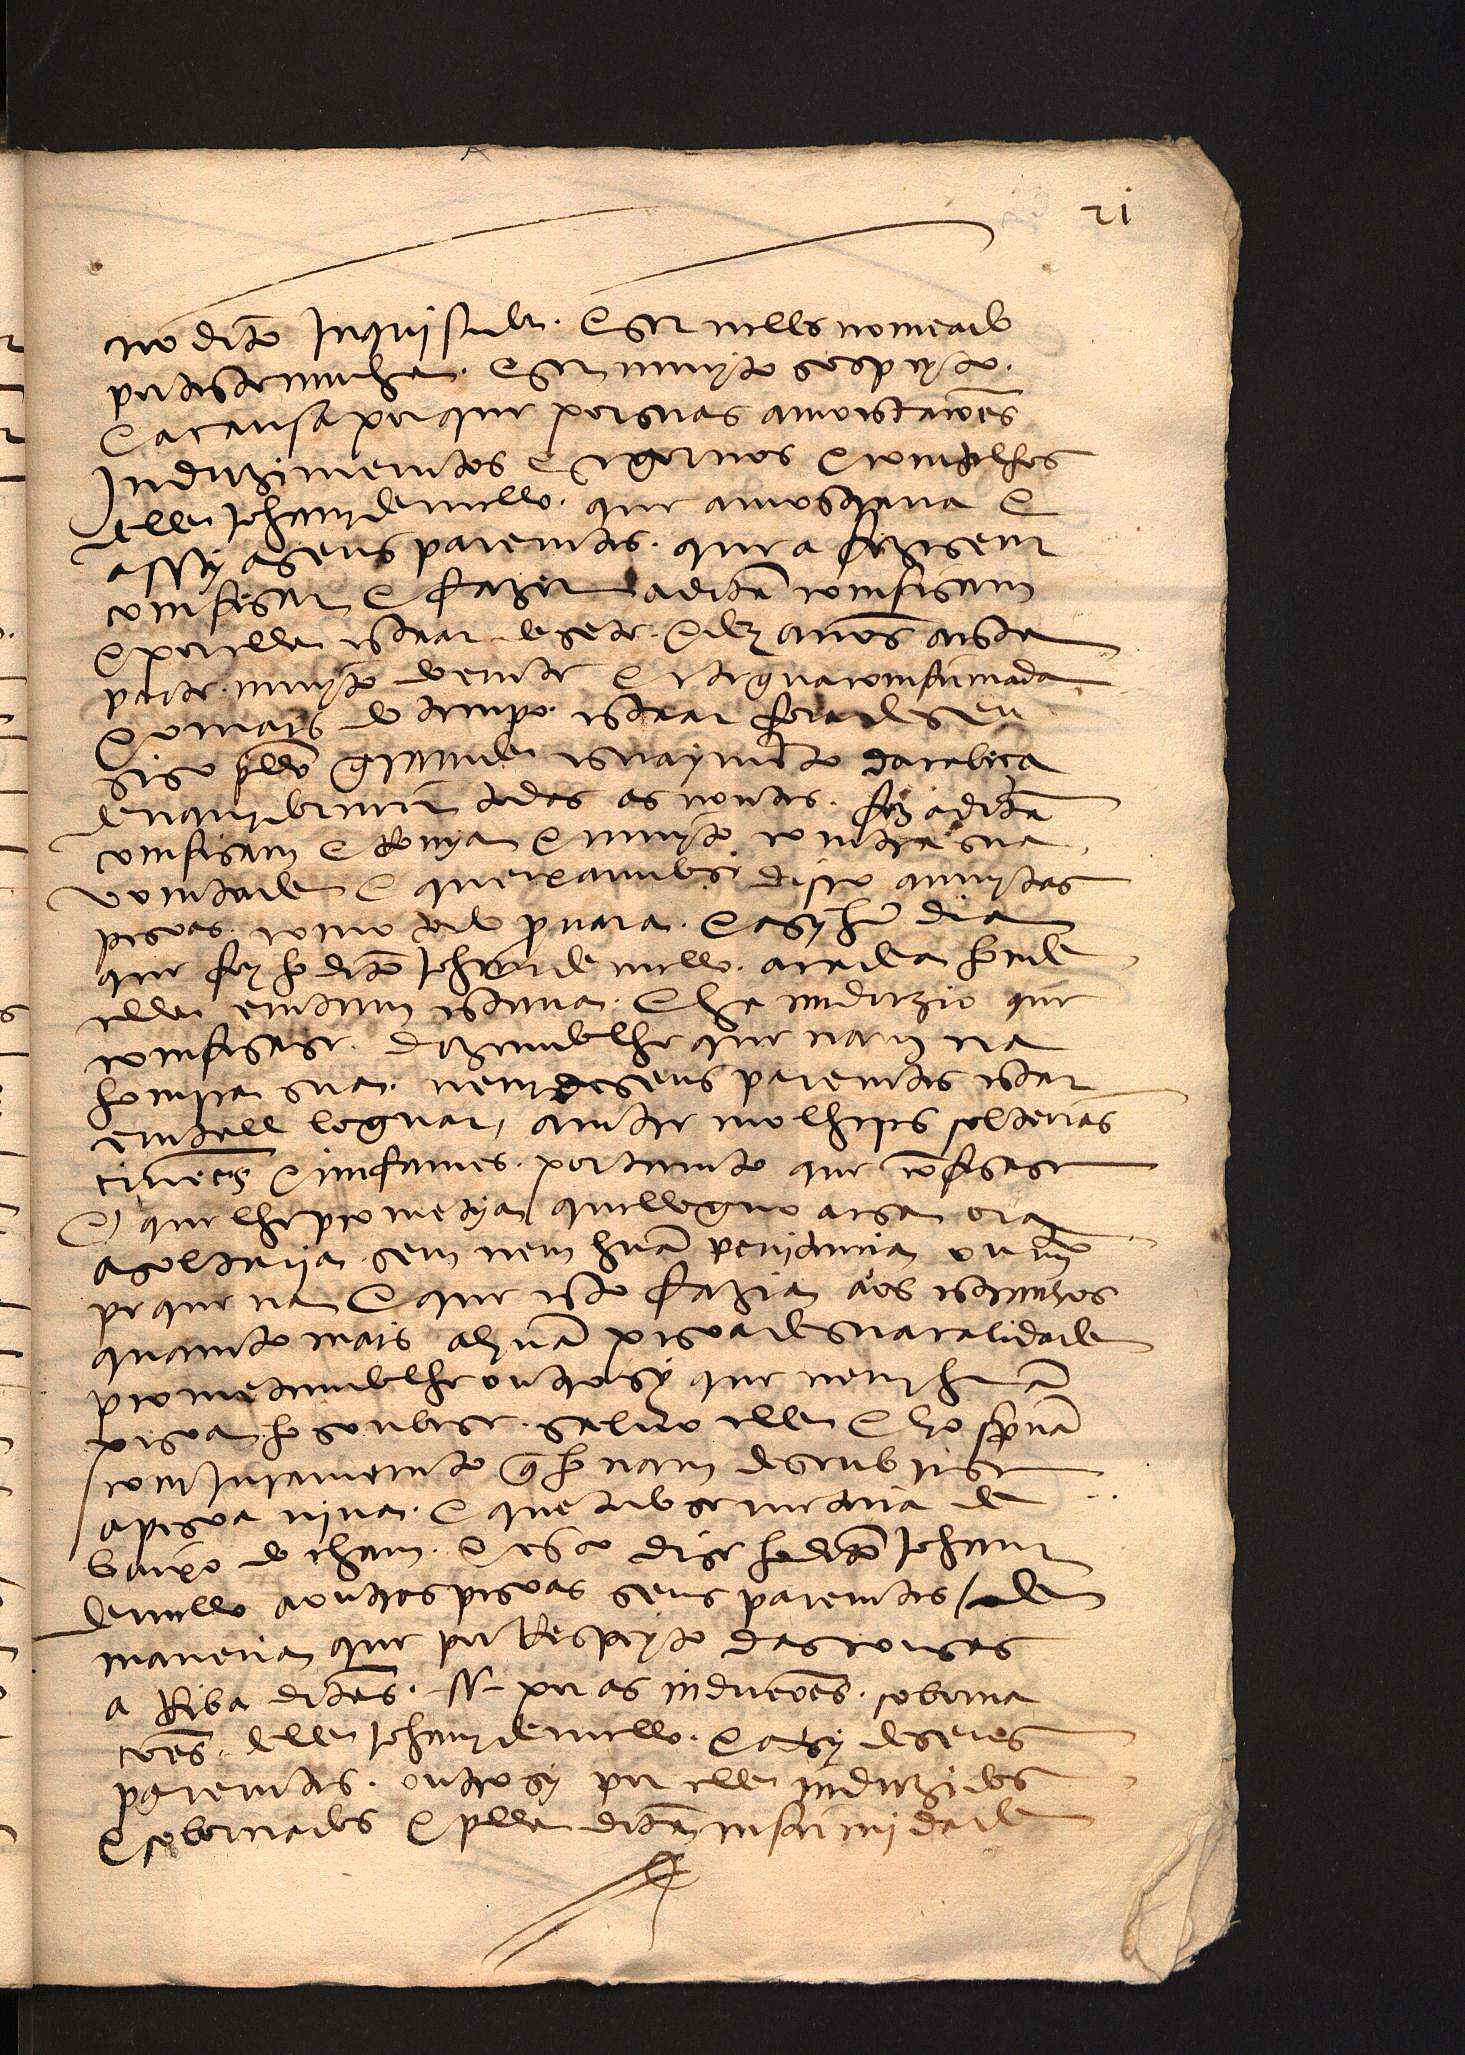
no dito Jnqujsidor e ser nelles nomeado
por testemunha e ser muyto sospeyto.
e a causa porque por suas amoestações
Jnduzimemtos e segornos e comselhos
delle Joham de mello. que amostraua e
assy a seus paremtes. que a fizesem
comfesar e fazer a dita comfisam
e por ella estaar de sete e dez anōs a esta
parte muyto doemte e e tegua comfirmada
e o mais do tempo estar fora de seu
siso p̄llo gramde esuaymēto da cabeça
de nam dormir todas as noutes. fez a dita
comfisam eRonya e muyto comtra sua
vomtade e queixamdose disso a muytas
pesoas. como todo ꝓuara e asy hū dia
que foy ho dito Joham de mello. a cadea honde
ella emtam estaua. e ha imduzio que
comfesase dizemdolhe que nam era
homrra sua. nem de seus paremtes estar
em tall loguar, amtre molheres solteiras
ciuees e imfames. portamto que c̄ofesase
e que lhe prometya que lloguo a esa ora
a soltarja sem nem huā penjtencia ou mto
pequena e que esto fazia aos estranhos
quamto mais a huā pesoa de sua calidade
prometemdolhe outrosy que nem huā
pesoa ho soubese saluo elle e ho sp̄uā
com Juramemto q̄ ho nam descubrise
a pesoa ujua. e que todo se meteria de
baixo do cham. e esto dise ho dito Joham
de mello a outras pesoas seus paremtes / de
maneira que por Respeyto das cousas
aRiba ditas. .ss. por as induções. soborna
ções delle Joham de mello. e asy de seus
paremtes. outrosy por elle induzidos
e sobornados e plla dit̄a infirmjdade
21
